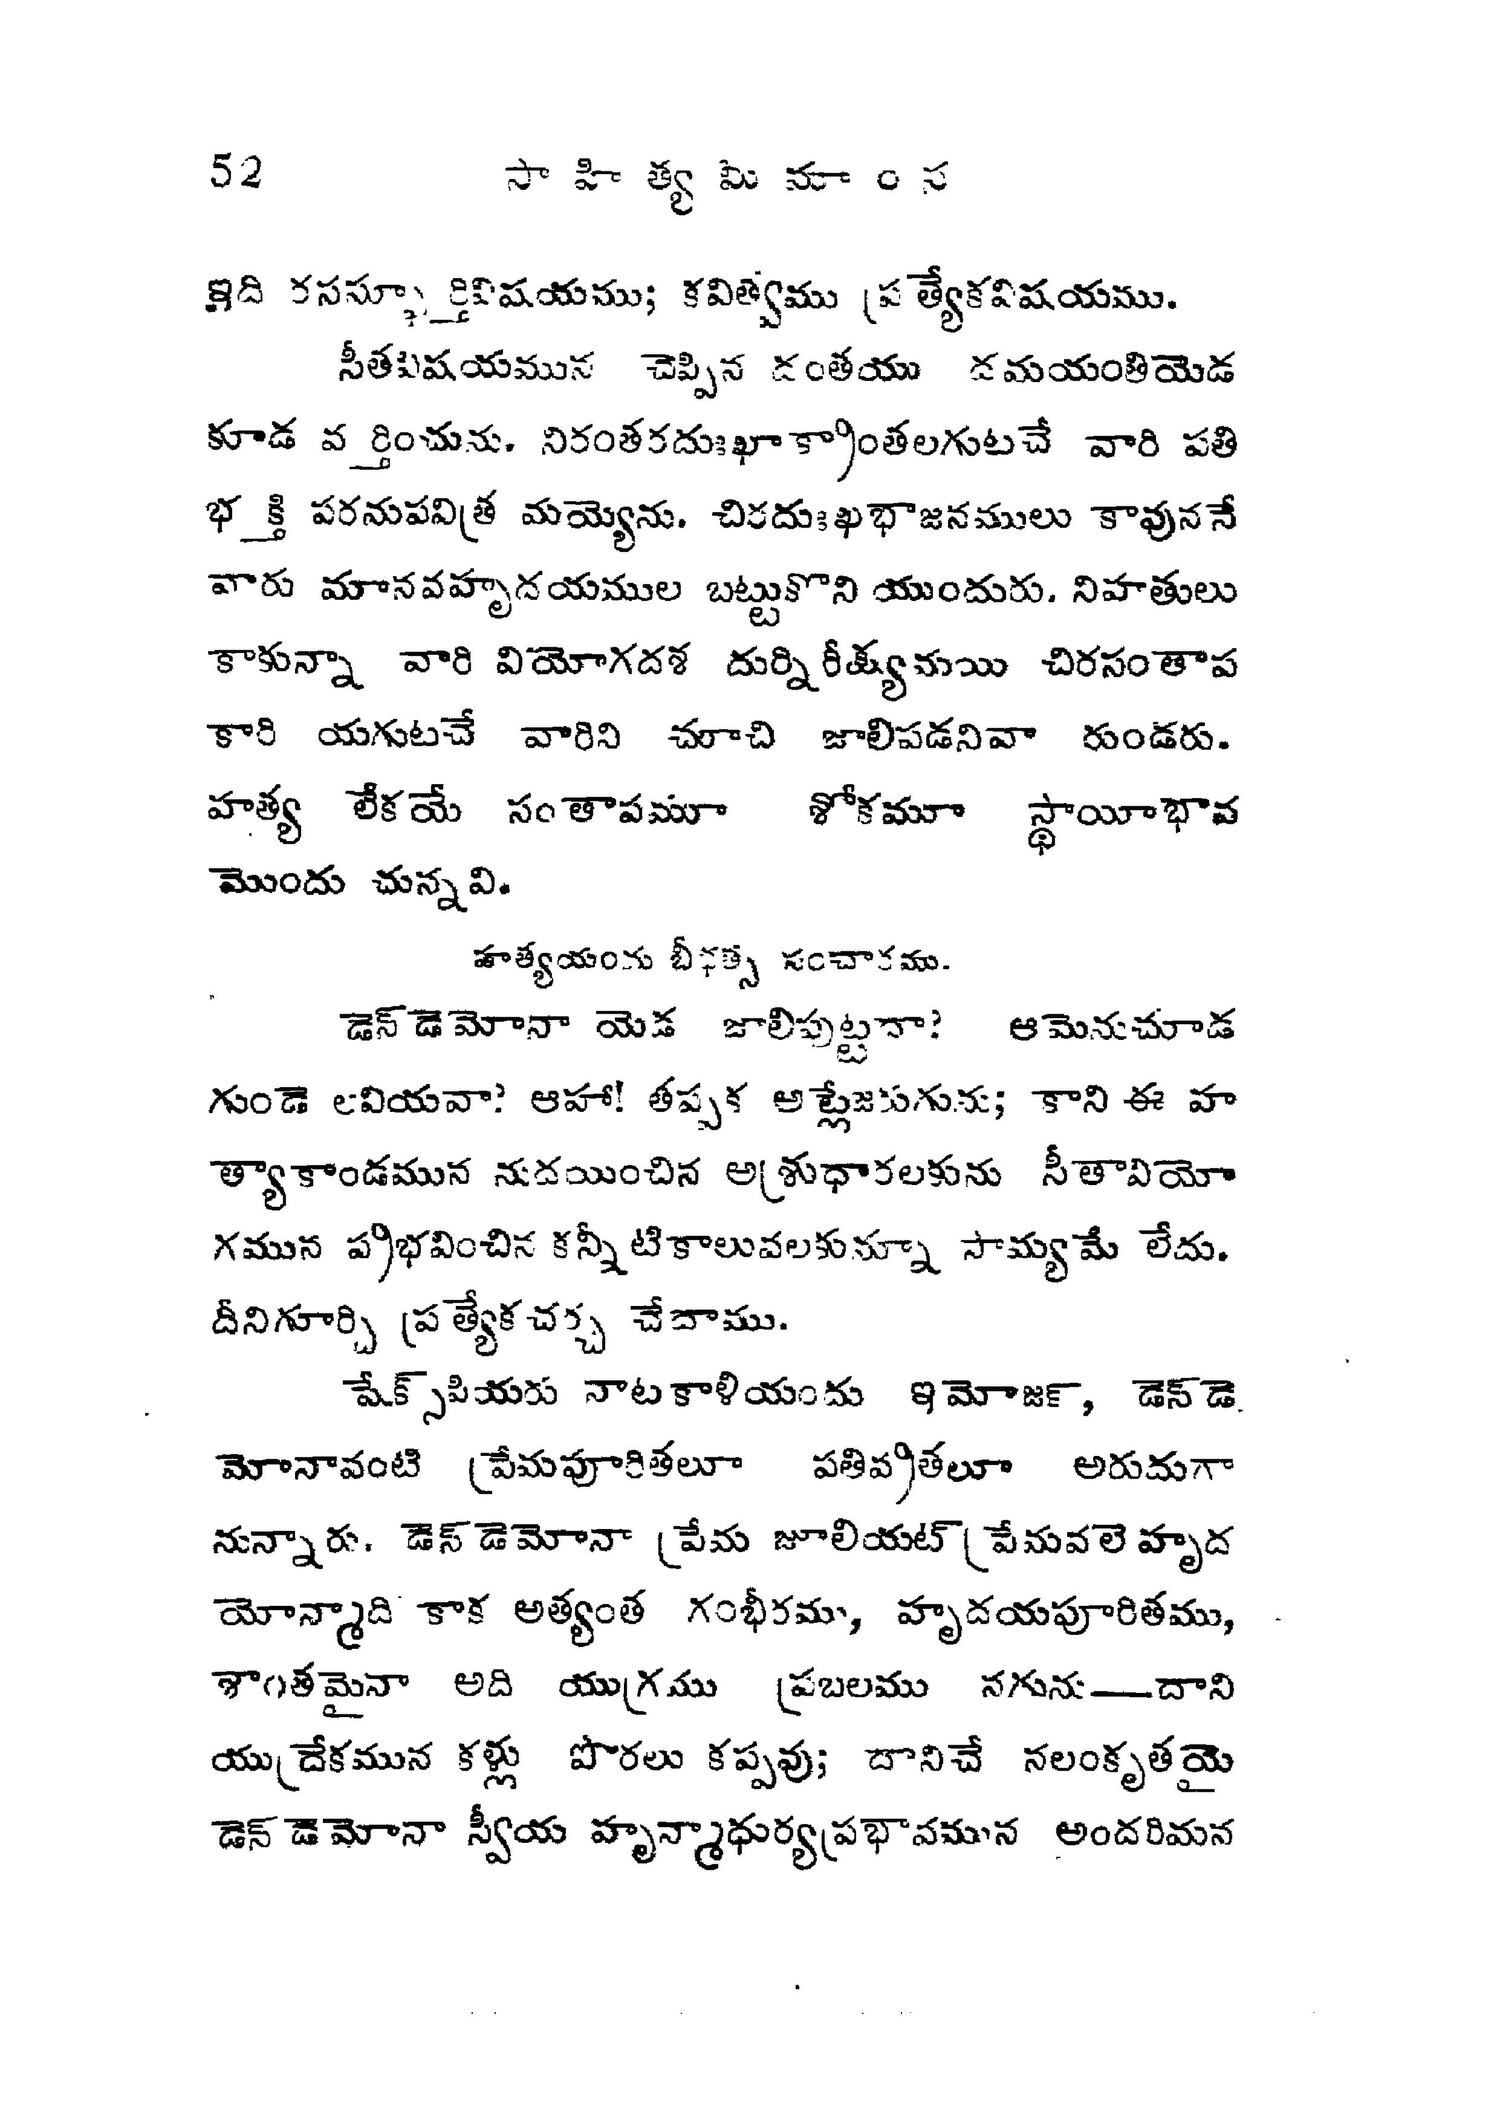ఇది రసస్ఫూర్తివిషయము; కవిత్వము ప్రత్యేకవిషయము.

సీతవిషయమున చెప్పిన దంతయు దమయెంతియెడ కూడ వర్తించును. నిరంతరదు:ఖాక్రాంతలగుటచే వారి పతిభక్తి పరమపవిత్ర మయ్యెను. చిరదు:ఖభాజనములు కావుననే వారు మానవహృదయముల బట్టుకొని యుందురు. నిహతులు కాకున్నా వారి వియోగదశ దుర్నిరీక్ష్యమయి చిరసంతాప కారి యగుటచే వారిని చూచి జాలిపడనివా రుండరు. హత్య లేకయే సంతాపమూ శోకమూ స్థాయీభావ మొందు చున్నవి.

డెస్‌డెమోనా యెడ జాలిపుట్టదా? ఆమెనుచూడ గుండె లవియవా? ఆహా! తప్పక అట్లేజరుగును; కాని ఈ హత్యాకాండమున నుదయించిన అశ్రుధారలకును సీతావియోగమున ప్రభవించిన కన్నీటికాలువలకున్నూ సామ్యమే లేదు. దీనిగూర్చి ప్రత్యేక చర్చ చేదాము.

షేక్స్‌పియరు నాటకాళియందు ఇమోజన్, డెస్‌డెమోనావంటి ప్రేమపూరితలూ పతివ్రతలూ అరుదుగా నున్నారు. డెస్‌డెమోనా ప్రేమ జూలియట్‌ప్రేమవలె హృదయోన్మాది కాక అత్యంత గంభీరము, హృదయపూరితము, శాంతమైనా అది యుగ్రము ప్రబలము నగును - దాని యుద్రేకమున కళ్లు పొరలు కప్పవు; దానిచే నలంకృతయై డెస్‌డెమోనా స్వీయ హృన్మాధుర్యప్రభావమున అందరిమన